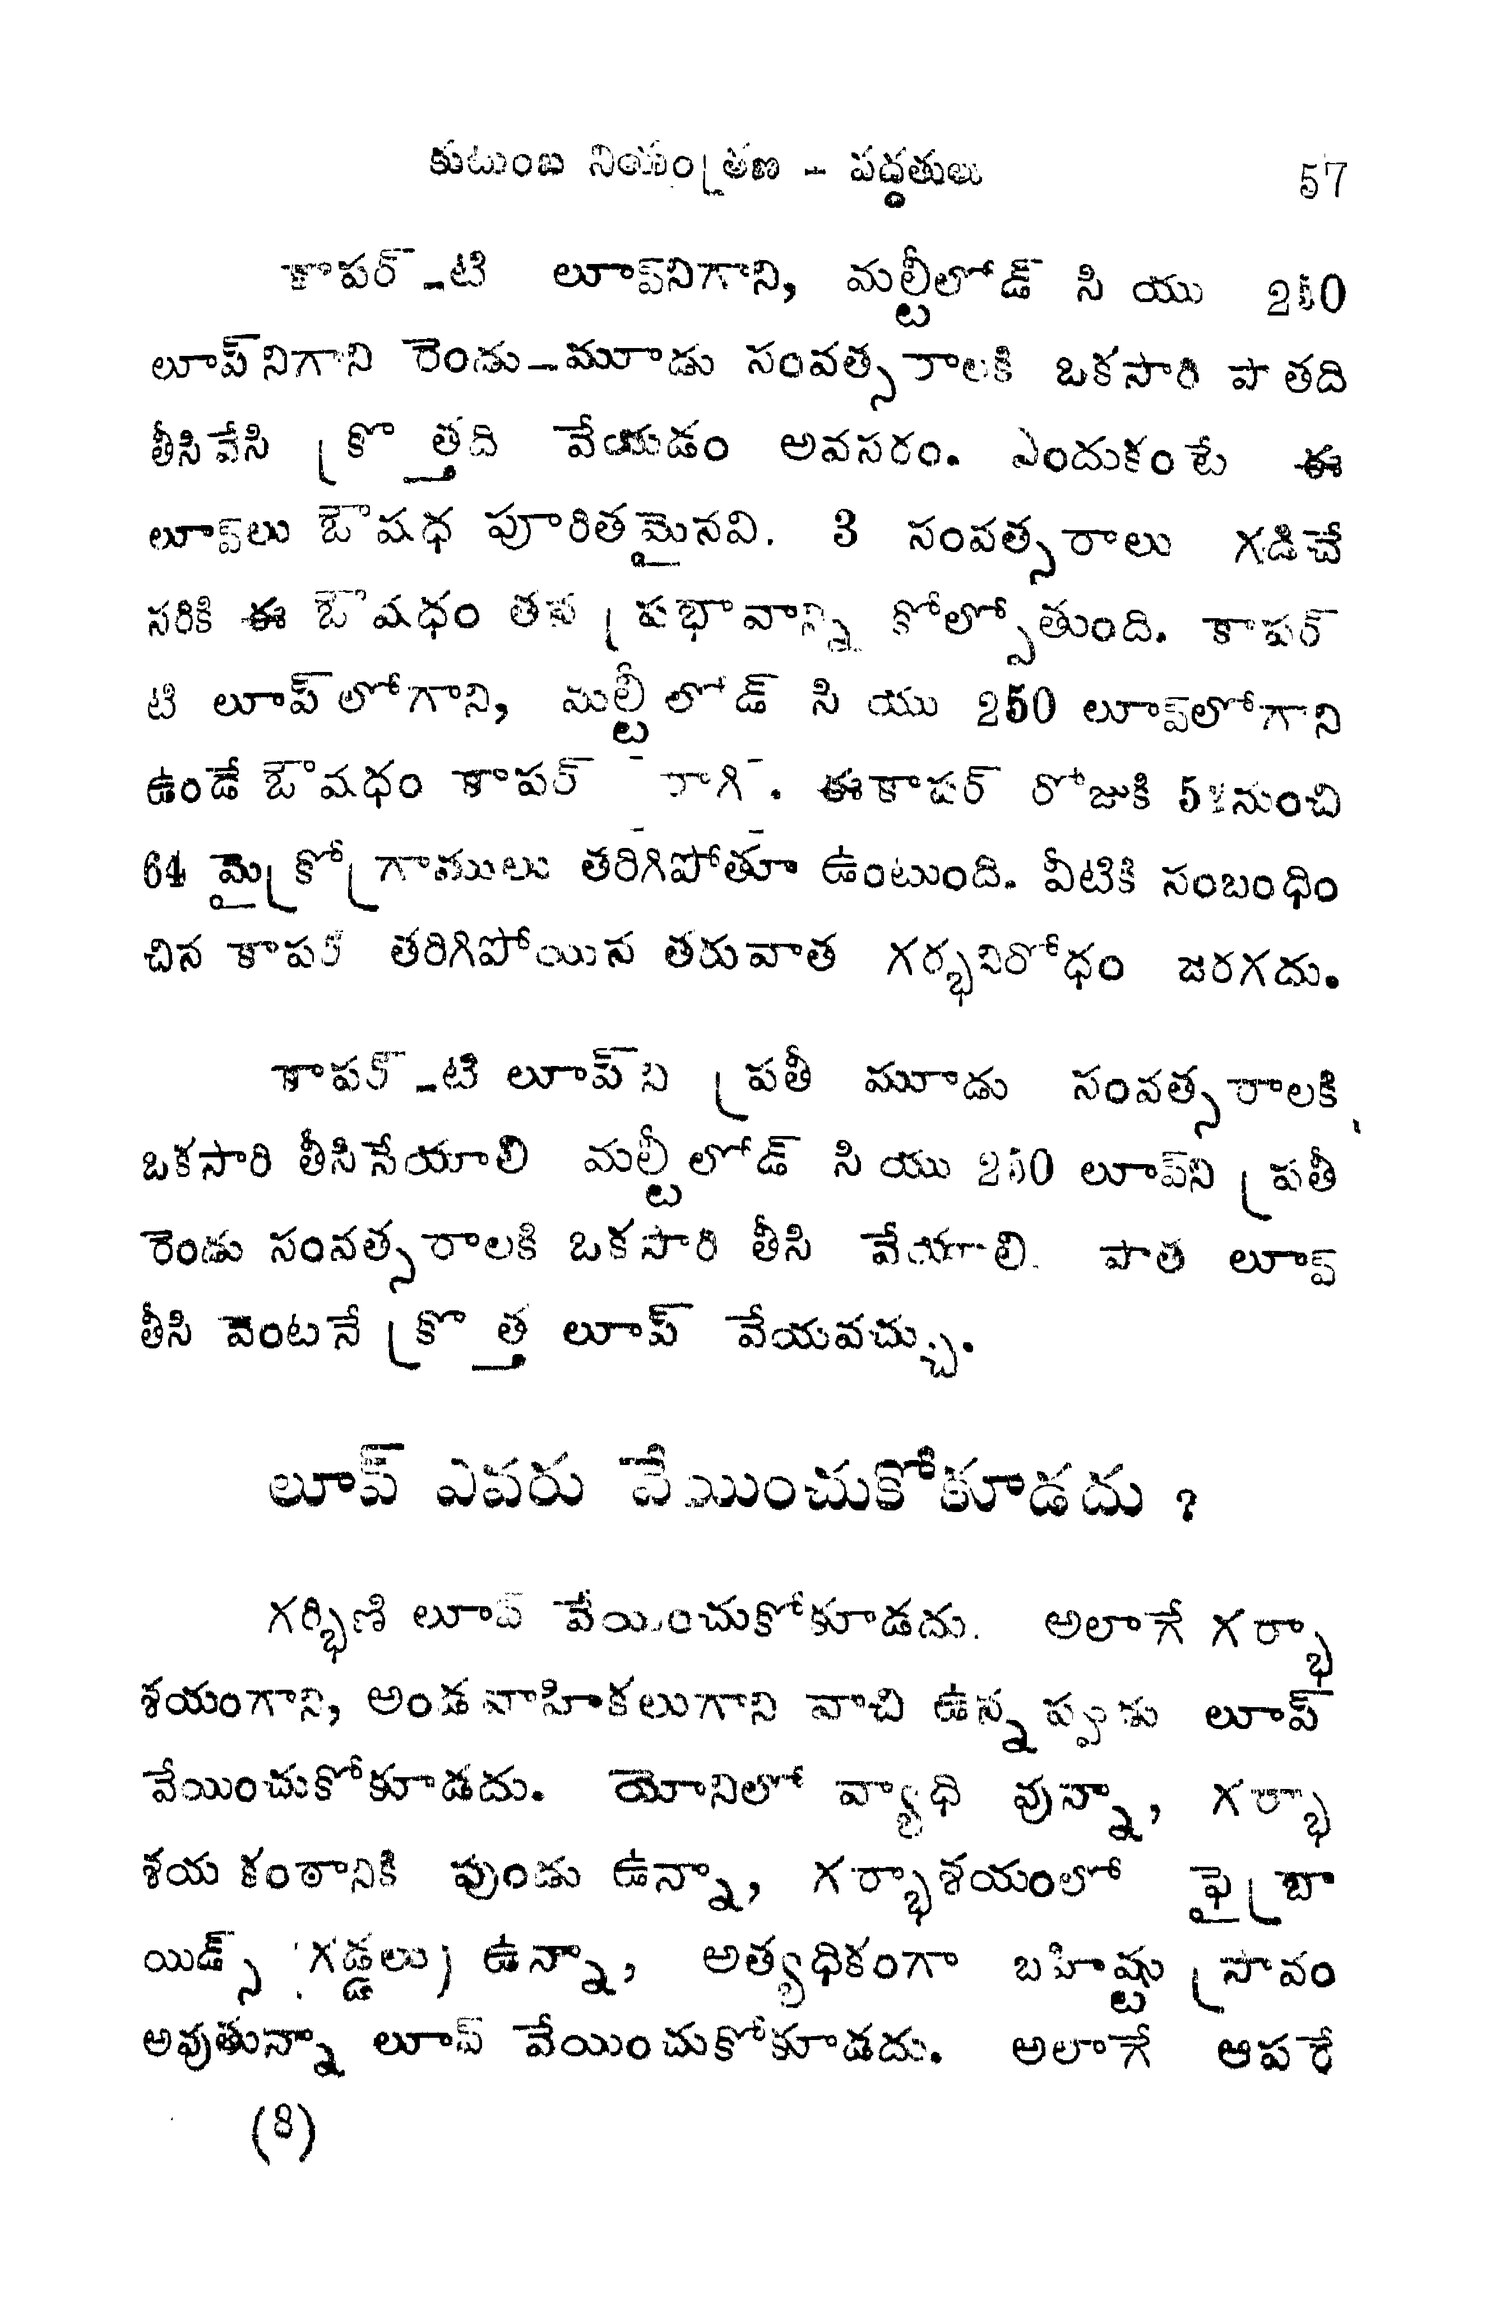కాపర్ -టి లూప్‌నిగాని, మల్టీలోడ్ సి యు 250 లూప్‌ని గాని రెండు-మూడు సంవత్సరాలకి ఒకసారి పాతది తీసివేసి క్రొత్తది వేయడం అవసరం. ఎందుకంటే ఈ లూప్‌లు ఔషధ పూరితమైనవి. 3 సంవత్సరాలు గడిచే సరికి ఈ ఔషధం తన ప్రభావాన్ని కోల్పోతుంది. కాపర్ టి లూప్‌లోగాని, మల్టీ లోడ్ సి. యు 250 లూప్‌లోగాని ఉండే ఔషధం కాపర్ 'రాగి '. ఈ కాపర్ రోజుకి 52 నుంచి 64 మైక్రోగ్రాములు తరిగిపోతూ ఉంటుంది. వీటికి సంబంధించిన కాపర్ తరిగిపోయిన తరువాత గర్భనిరోధం జరగదు.

కాపర్-టి లూప్‌ని ప్రత్రీ మూడు సంవత్సరాలకీ ఒకసారి తీసివేయాలి. మల్టీ లోడ్ సి యు 250 లూప్‌ని ప్రతీ రెండు సంవత్సరాలకి ఒకసారి తీసి వేయాలి. పాత లూప్ తీసి వెంటనే క్రొత్త లూప్ వేయవచ్చు.

గర్భిణీ లూప్ వేయించుకోకూడదు. అలాగే గర్భాశయంగాని, అండ వాహికలుగాని వాచి ఉన్నప్పుడు లూప్ వేయించుకోకూడదు. యోనిలో వ్యాధి వున్నా, గర్భాశయ కంఠానికి పుండు ఉన్నా, గర్భాశయంలో ఫైబ్ర్రాయిడ్స్ (గడ్డలు) ఉన్నా, అత్యధికంగా బహిష్టు స్రావం అవుతున్నా లూప్ వేయించుకోకూడదు. అలాగే ఆపరే